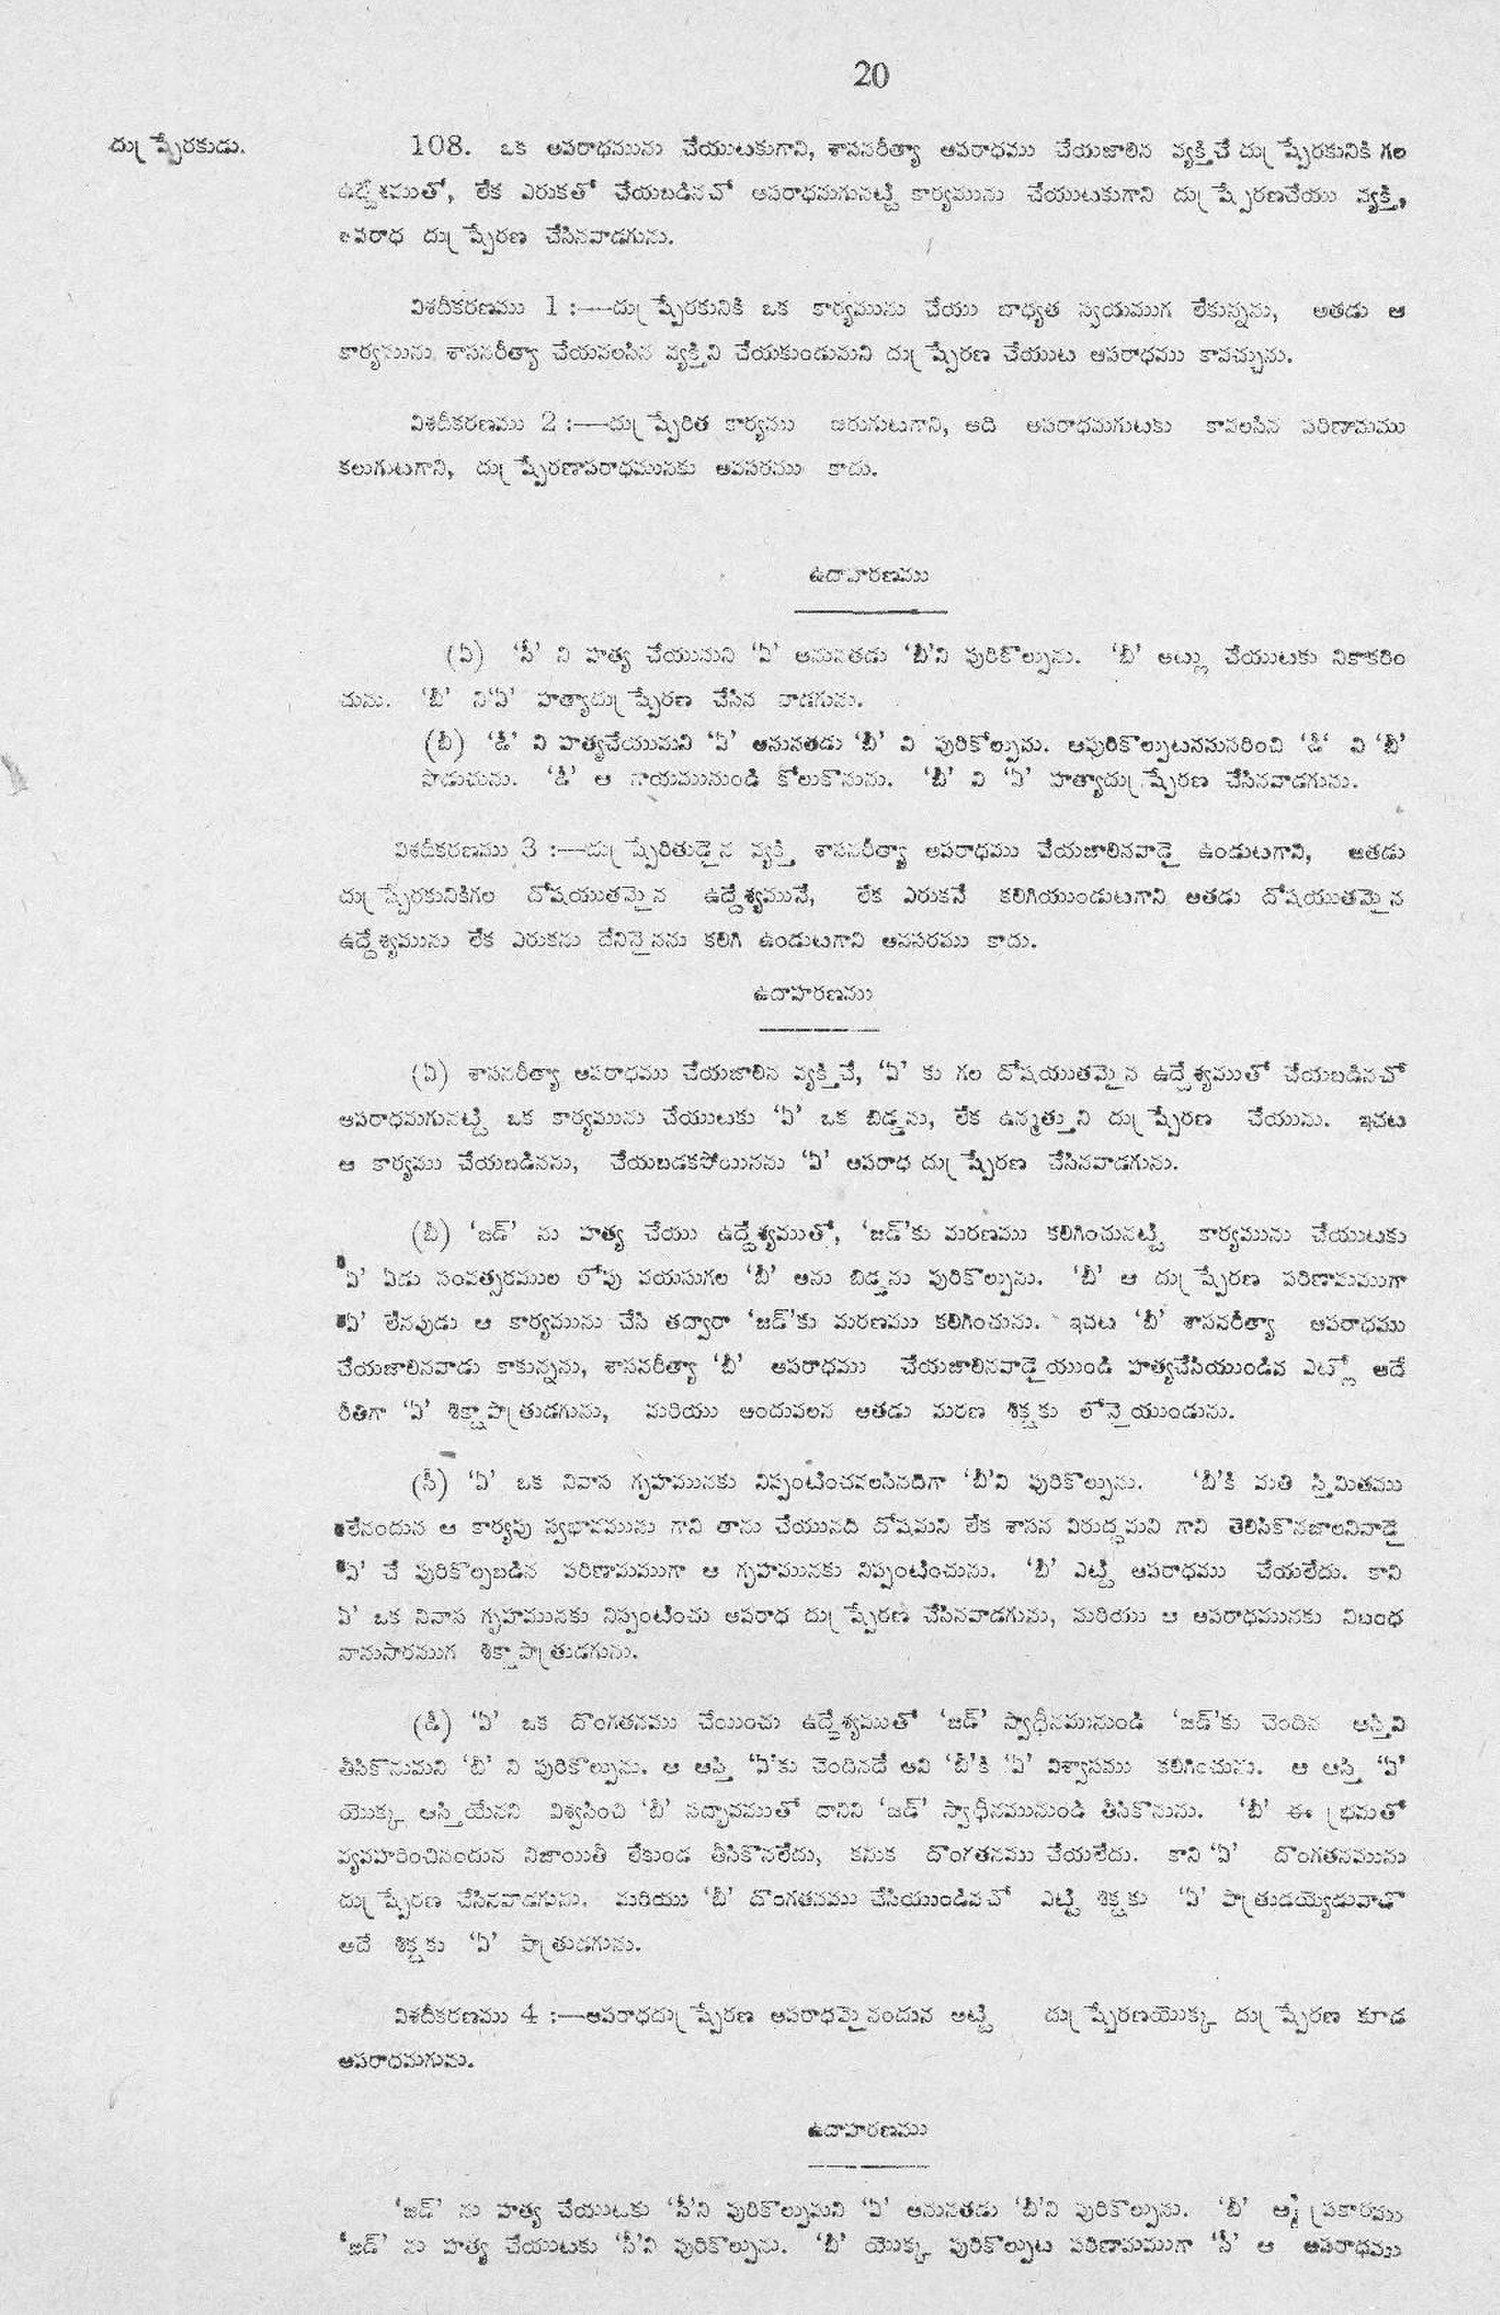దుష్ప్రేరకుడు.

108. ఒక అపరాధమును చేయుటకుగాని, శాసనరీత్యా ఆపరాధము చేయజాలిన వ్యక్తిచే దుష్ప్రేరకునికి గల ఉద్దేశముతో, లేక ఎరుకతో చేయబడినచో ఆపరాధమగు నట్టి కార్యమును చేయుటకుగాని దుష్ప్రేరణచేయు వ్యక్తి, అపరాధ దుష్ప్రేరణ చేసిన వాడగును.

విశదీకరణము 1:--దుష్ప్రేరకునికి ఒక కార్యమును చేయు బాధ్యత స్వయముగ లేకున్నను, అతడు. ఆ కార్యమును, శాససరీత్యా చేయవలసిన వ్యక్తిని చేయకుండుమని దుష్ఫేరణ చేయుట ఆపరాధము కావచ్చును.

విశదీకరణము 2 :-- దుష్ప్రేరిత కార్యను జరుగుటగాని, ఆది అపరాధమగుటకు కావలసిన పరిణామము కలుగుటగాని, దుష్ప్రేరణా పరాధమునకు అవసరము కాదు.

(ఏ) 'స్త్రీ' ని హత్య చేయుమని 'ఏ' అనునతడు 'బి' ని పురికొల్పును. 'బీ' అట్లు చేయుటకు నిరాకరించును.'బీ' ని 'ఏ' హత్యాదుష్ప్రేరణ చేసిన వాడగును.

(బీ) 'డీ' ని హత్యచేయువుని 'ఏ' అనునతడు 'బి' ని పురికొల్పును. ఆపురికొల్పుటననుసరించి 'డీ' ని 'బి'
పొడుచును. 'డీ' ఆ గాయము నుండి కోలుకొనును. 'బీ' ని 'ఏ' హత్యాదుష్ప్రేరణ చేసినవాడగును.

విశదీకరణము 3 :-దుష్ప్రేరితుడైన వ్యక్తి శాసనరీత్యా అపరాధము చేయజాలినవాడై ఉండుట గాని, అతడు దుష్ప్రేరకునికి గల దోషయుతమైన ఉద్దేశ్యమునే, లేక ఎరుకనే కలిగియుండుటగాని అతడు దోషయుతమైన ఉద్దేశ్యమును లేక ఎరుకను దేనినైనను కలిగి ఉండుటగాని అవసరము కాదు.

(ఏ) శాసన రీత్యా ఆపరాధము చేయజాలిన వ్యక్తిచే, 'ఏ' కు గల దోషయుతమైన ఉద్దేశ్యముతో చేయబడినచో
అపరాధమగునట్టి ఒక కార్యమును చేయుటకు 'ఏ' ఒక బిడ్డను, లేక ఉన్మత్తుని దుష్ప్రేరణ చేయును. ఇచట ఆ కార్యము చేయబడినను, చేయబడకపోయినను 'ఏ' ఆపరాధ దుష్ప్రేరణ చేసినవాడగును.

(బీ) 'జడ్' ను హత్య చేయు ఉద్దేశ్యముతో, 'జడ్'కు మరణము కలిగించునట్టి కార్యమును చేయుటకు 'ఏ' ఏడు సంవత్సరముల లోపు వయసుగల 'బీ' అను బిడ్డను పురికొల్పును. 'బీ' ఆ దుష్ప్రేరణ పరిణామముగా 'ఏ' లేనపుడు ఆ కార్యమును చేసి తద్వారా 'జడ్'కు మరణము కలిగించును. ఇచట 'బీ' శాసనరీత్యా ఆపరాధము చేయజాలినవాడు కాకున్నను, శాసనరీత్యా 'బి' ఆపరాధము చేయజాలినవాడై యుండి హత్యచేసియుండిన ఎట్లో ఆదే రీతిగా 'ఏ' శిక్షాపాత్రుడగును, మరియు అందువలన అతడు మరణ శిక్షకు లోనై యుండును.

(సీ) 'ఏ' ఒక నివాస గృహమునకు నిప్పంటించవలసినదిగా 'బి'ని పురికొల్పును. 'బీ'కి మతి స్తిమితము లేనందున ఆ కార్యపు స్వభావమును గాని తాను చేయునది దోషమని లేక శాసన విరుద్దమని గాని తెలిసికొనజాలనివాడై 'ఏ ' చే పురికొల్పబడిన పరిణామముగా ఆ గృహమునకు నిప్పంటించును. 'బీ' ఎట్టి అపరాధము చేయలేదు. కాని 'ఏ' ఒక నివాస గృహమునకు నిప్పంటించు ఆపరాధ దుష్ప్రేరణ చేసిన వాడగును, మరియు ఆ అపరాధమునకు నిబంధ నానుసారముగ శిక్షా పాత్రుడగును.

(డీ) 'ఏ' ఒక దొంగతనము చేయించు ఉద్దేశ్యముతో 'జడ్' స్వాధీనము నుండి 'జడ్'కు చెందిన ఆస్తిని
తీసికొనుమని 'బి' ని పురికొల్పును. ఆ ఆస్తి 'ఏ' కు చెందినదే అవి 'బీ'కి 'ఏ' విశ్వాసము కలిగించును. ఆ ఆస్తి 'ఏ ' యొక్క ఆస్తి యేనని విశ్వసించి 'బీ' సద్భావముతో దానిని 'జడ్' స్వాధీనమునుండి తీసికొనును. 'బీ' ఈ బ్రమతో
వ్యవహరించినందున నిజాయితీ లేకుండ తీసికొనలేదు. కనుక దొంగతనము చేయలేదు. కాని 'ఏ' దొంగతనమును
దుష్ప్రేరణ చేసిన వాడగును. మరియు 'బీ' దొంగతనము చేసియుండినచో ఎట్టి శిక్షకు 'ఏ' పాత్రుడయ్యెడువాడా
అదే శిక్షకు 'ఏ' పాత్రుడగును.

విశదీకరణము 4 :- ఆపరాధదుష్ప్రేరణ అపరాధమైనందున అట్టి దుష్ప్రేరణ యొక్క దుష్ప్రేరణ కూడ అపరాధమగును.

'జడ్' ను హత్య చేయుటకు 'సీ'ని పురికొల్పుమని 'ఏ' అనునతడు 'బీ'ని పురికొల్పును. 'బీ'ఆ ప్రకారము
'జడ్' ను హత్య చేయుటకు 'సీ'ని పురికొల్పును. 'బీ' యొక్క పురికొల్పుట పరిణామముగా 'సీ' ఆ అపరాధము